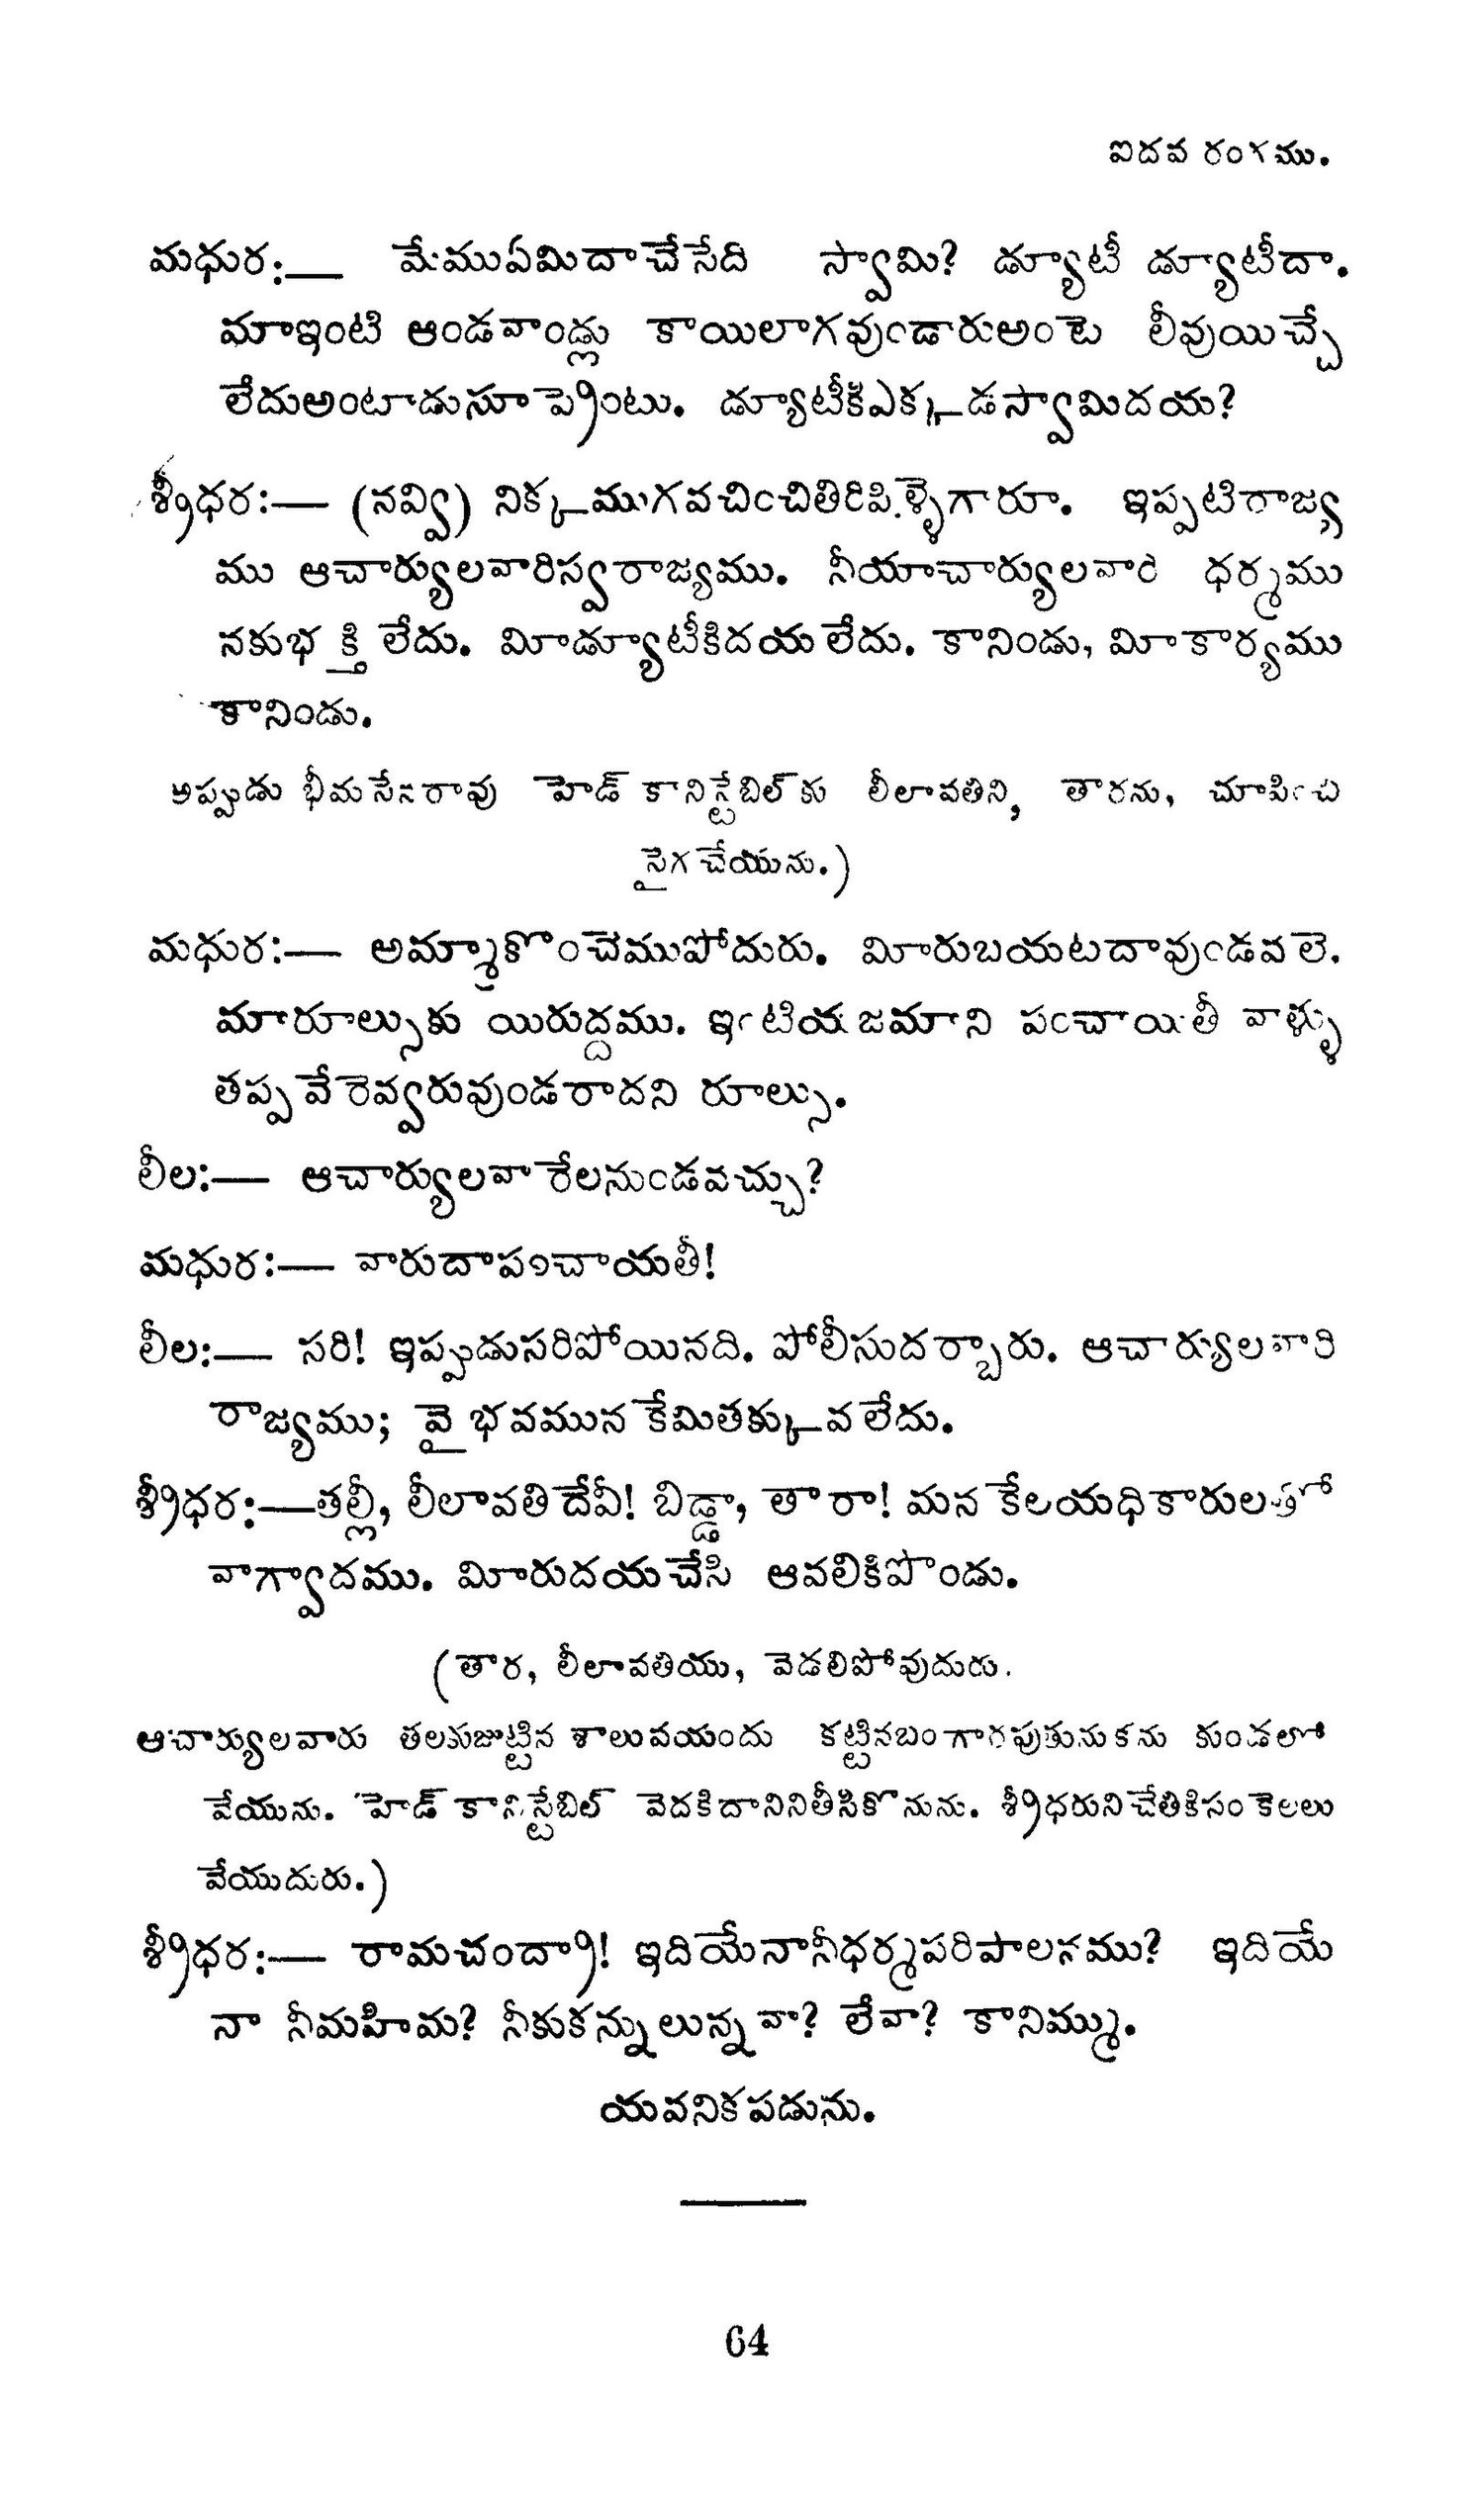మధుర:- మేముఏమి దాచేసేది స్వామి? డ్యూటీ డ్యూటీదా.
మాఇంటి ఆండ వాండ్లు కాయిలాగవుండారుఅంటె లీవుయిచ్చే
లేదు అంటాడు సూ ప్రెంటు, డ్యూటీకి ఎక్కడ స్వామిదయ?

శ్రీధర: – (నవ్వి) నిక్కముగ వచించితిరి పిళ్ళైగారూ. ఇప్పటి రాజ్య
ము ఆచార్యులవారి స్వరాజ్యము. నీయాచార్యులవారి ధర్మము
నకుభ క్తి లేదు. మీడ్యూటీకిదయ లేదు. కానిండు, మీ కార్యము
కానిండు.

అప్పుడు భీమ సేస రావు హెడ్ కానిస్టేబిల్ కు లీలావతిని, తారను, చూపించి
సైగ చేయును.)

మధుర:- అమ్మాకొంచెముపోదురు. మీరుబయటదావుఁడవలె.
మారూల్సుకు యిరుద్దము. ఇంటిమ జమాని పంచాయితీ వాళ్ళు
తప్ప వేరెవ్వరువుండరాదని రూల్సు.

లీల:— ఆచార్యులవా రేలనుండవచ్చు?

మధుర:- వారుదా పంచాయతీ!

లీల: – సరి! ఇప్పుడు సరిపోయినది. పోలీసుదర్బారు. ఆచార్యులగారి
రాజ్యము; వైభవమున కేమితక్కువ లేదు.

శ్రీధర:—తల్లీ, లీలావతి దేవీ! బిడ్డా, తారా! మన కేలయధికారుల ,,
వాగ్వాదము. మీరుదయ చేసి ఆవలికి పొండు.

(తార, లీలావతియు, వెడలిపోవుదురు .
ఆచార్యుల వారు తలకుజుట్టిన శాలువయందు కట్టిన బంగాగపు తునకను కుండలో
వేయును. 'హెడ్ కానిస్టేబిల్ వెదకి దానిని తీసికొనును. శ్రీధరుని చేతికి సంకెలలు
వేయుదురు.)

శ్రీధర:— రామచంద్రా! ఇదియే నానీధర్మపరిపాలనము? ఇదియే
నా నీ మహిమ? నీకుకన్నులున్నవా? లేవా? కానిమ్ము.]

యవనిక పడును.